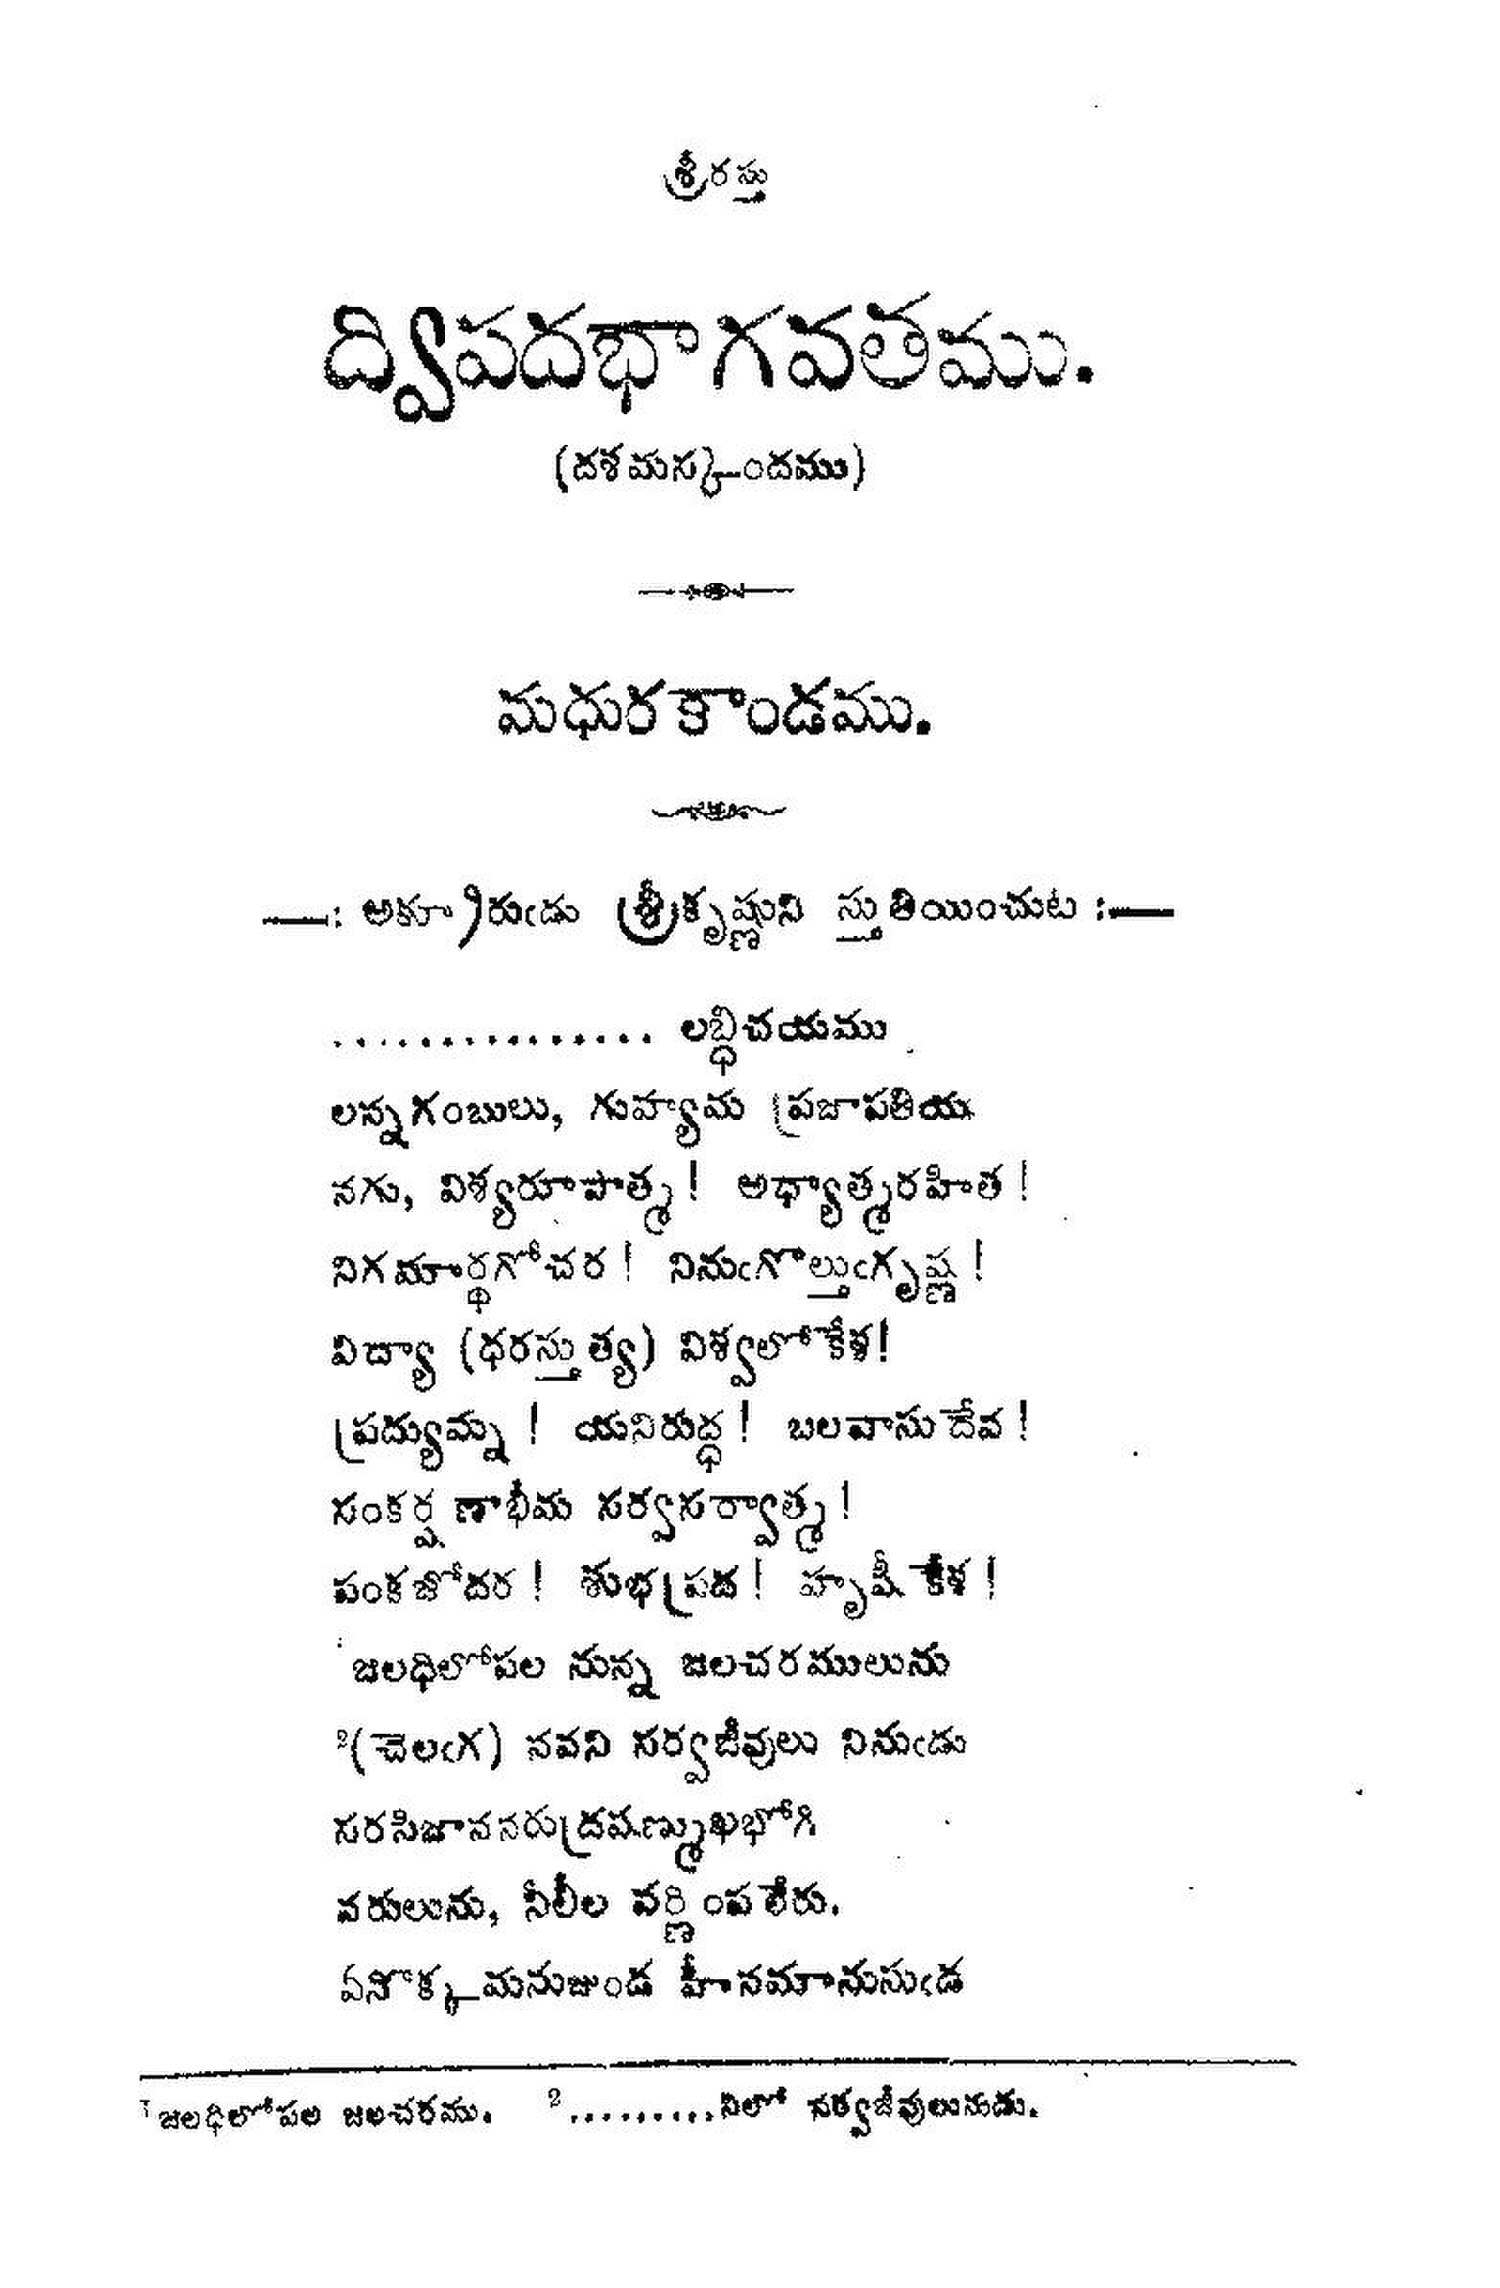.......................లబ్ధిచయము
లన్నగంబులు, గుహ్యమ ప్రజాపతియు
నగు, విశ్వరూపాత్మ! అధ్యాత్మరహిత!
నిగమార్థగోచర! నినుఁ గొల్తుఁ గృష్ణ!
విద్యా(ధరస్తుత్య!) విశ్వలోకేశ! 
ప్రద్యుమ్న! యనిరుద్ధ! బల! వాసుదేవ!
సంకర్షణాభీమ! సర్వసర్వాత్మ! 
పంకజోదర! శుభప్రద! హృషీకేశ!
జలధిలోపల నున్న జలచరములును
(చెలఁగ) నవని సర్వజీవులు నినుఁడు
సరసిజాసన రుద్రషణ్ముఖభోగి
వరులును, నీలీల వర్ణింపలేరు. 
ఏనొక్క మనుజుండ హీనమానుసుఁడ